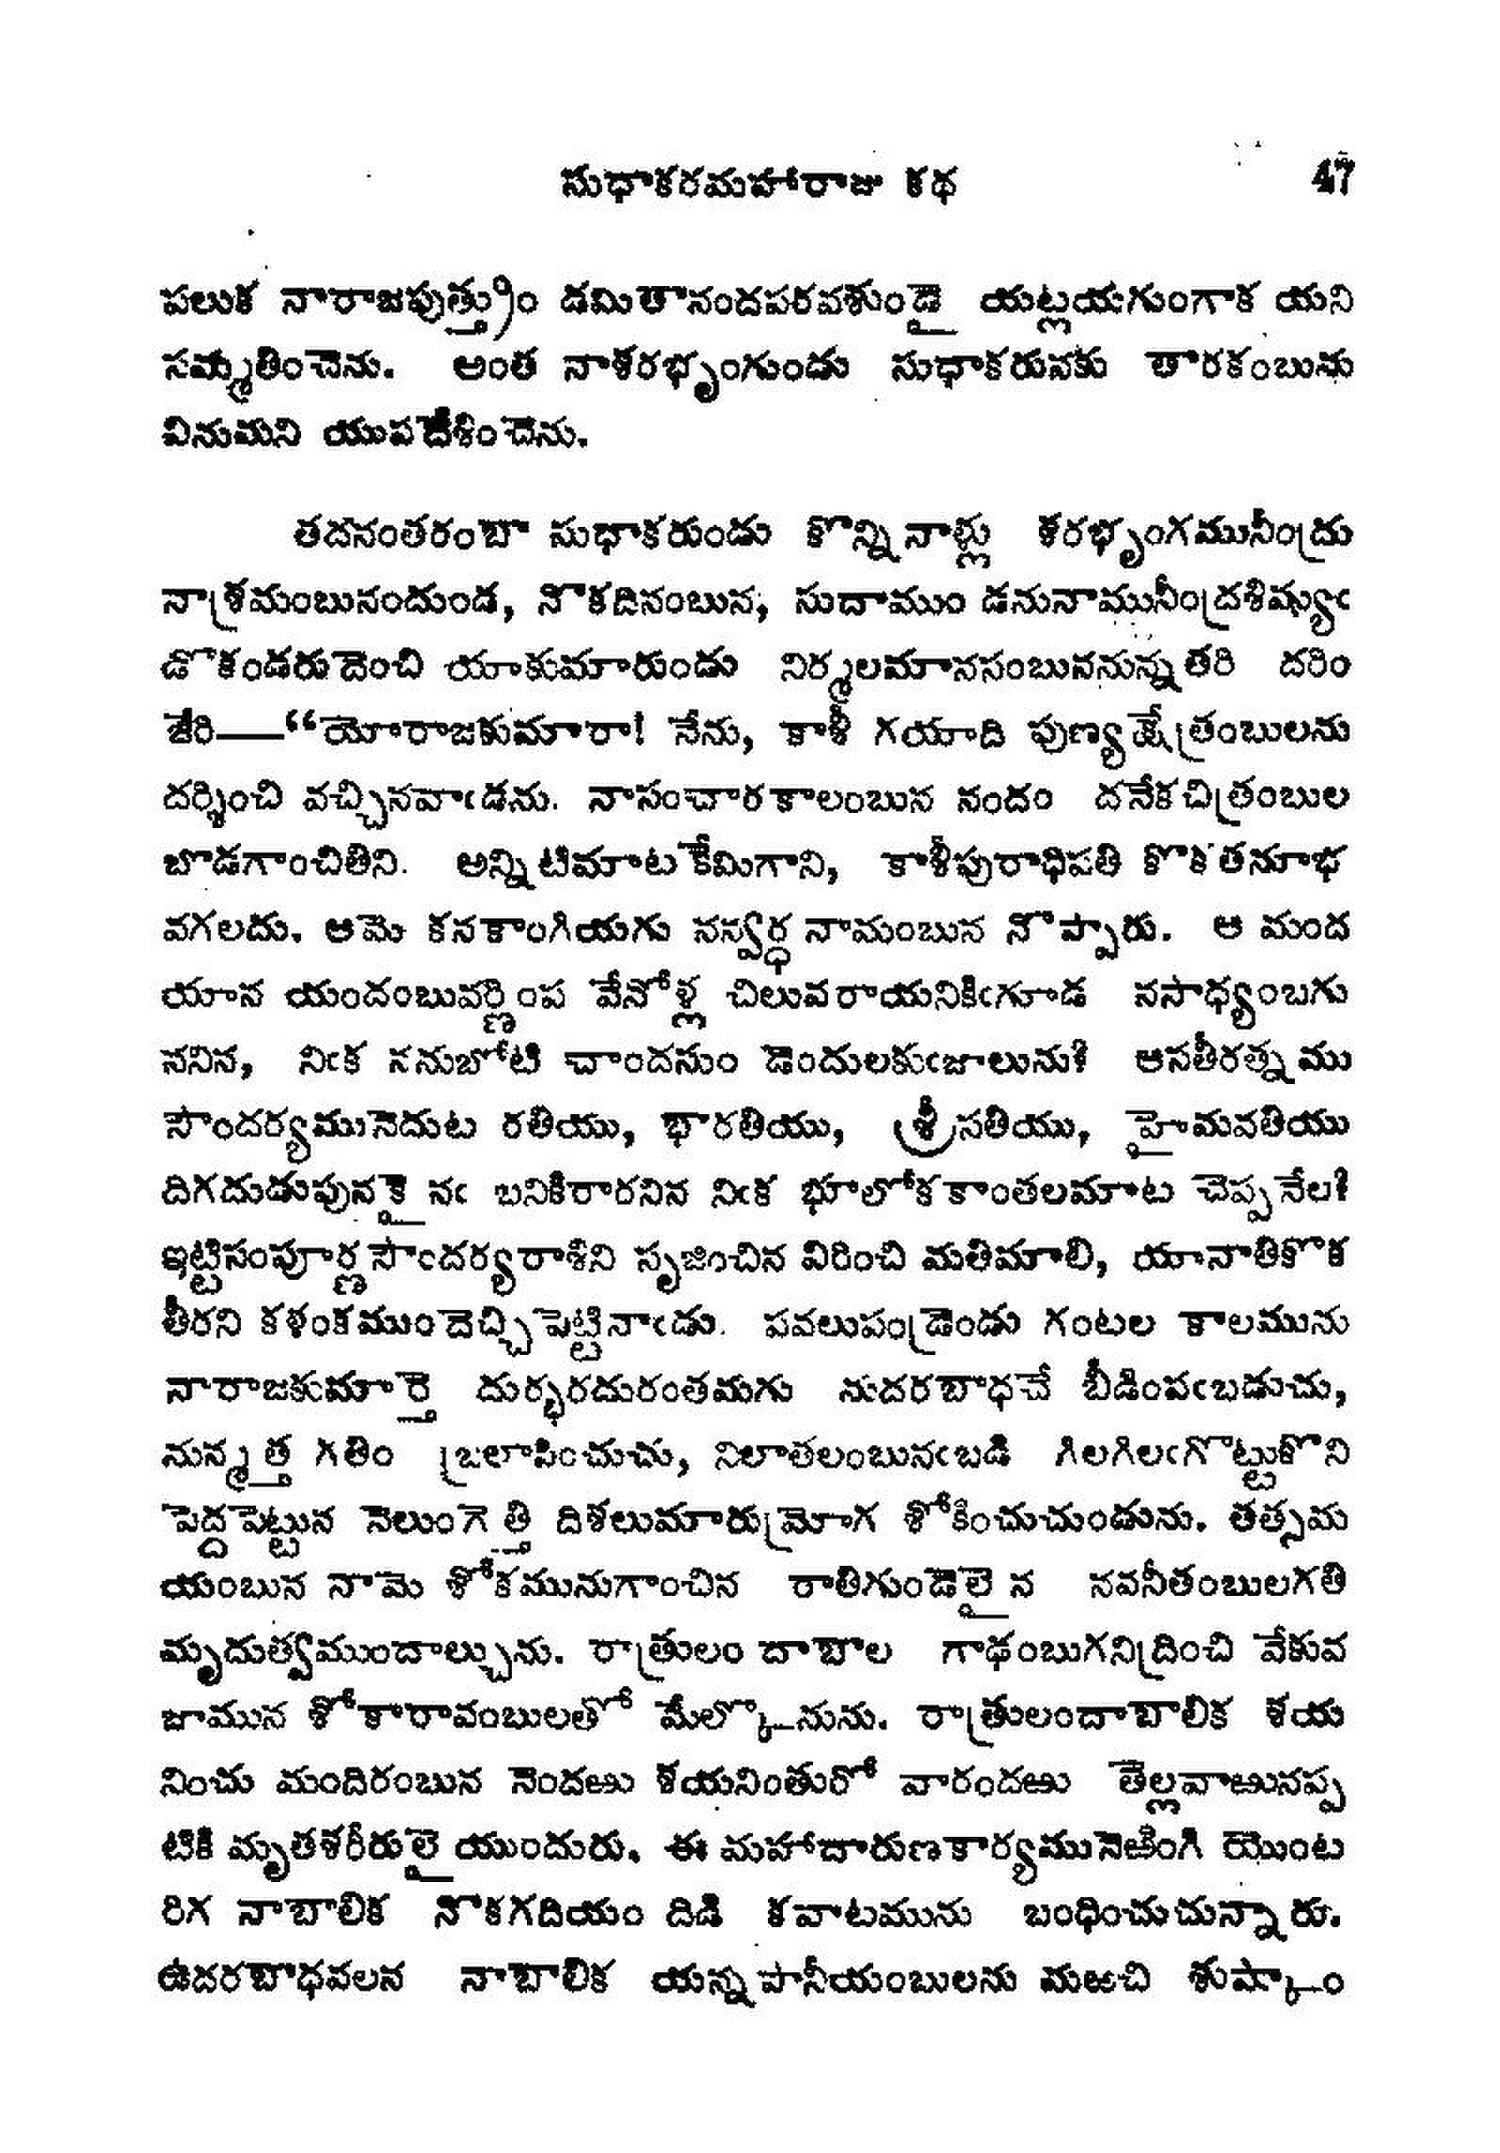పలుక నా రాజపుత్రుం డమితానందపరవశుండై యట్లయగుంగాక యని సమ్మతించెను. అంత నాశరభృంగుండు సుధాకరువకు తారకంబును వినుమని యుపదేశించెను.

తదనంతరంబా సుధాకరుండు కొన్నినాళ్లు శరభృంగమునీంద్రు నాశ్రమంబునందుండ, నొకదినంబున, సుదాముండను నామునీంద్రశిష్యుఁ డొకం డరుదెంచి యాకుమారుండు నిర్మలమానసంబుననున్న తరి దరింజేరి——“యోరాజకుమారా! నేను, కాళీ గయాది పుణ్య క్షేత్రంబులను దర్శించి వచ్చినవాఁడను. నాసంచార కాలంబున నందం దనేక చిత్రంబుల
బొడగాంచితిని. అన్నిటిమాటకేమిగాని, కాళీపురాధిపతి కొక తనూభవగలదు, ఆమె కనకాంగియగు నస్వర్ధ నామంబున నొప్పారు. ఆ మందయాన యందంబువర్ణింప వేనోళ్ల చిలువరాయనికిఁగూడ నసాధ్యంబగు ననిన, నిఁక ననుబోటి చాందసుం డెందులకుఁజాలును? ఆసతీరత్నము సౌందర్యమునెదుట రతీయు, భారతియు, శ్రీసతియు, హైమవతియు దిగదుడుపునకైనఁ బనికిరారనిన నిఁక భూలోక కాంతలమాట చెప్పనేల? ఇట్టిసంపూర్ణ సౌందర్యరాశిని సృజించిన విరించి మతిమాలి, యానాతికొక
తీరని కళంకముం దెచ్చి పెట్టినాఁడు. పవలుపండ్రెండు గంటల కాలమును నా రాజకుమార్తె దుర్భరదురంతమగు నుదరబోధచే బీడింపఁబడుచు, నున్మత్తగతిం బ్రలాపించుచు, నిలాతలంబునఁబడి గిలగిలఁగొట్టుకొని పెద్ద పెట్టున నెలుంగెత్తి దిశలుమారుమ్రోగ శోకించుచుండును. తత్సమయంబున నామె శోకమునుగాంచిన రాతిగుండెలైన నవనీతంబులగతి
మృదుత్వ ముందాల్చును. రాత్రులం దాబాల గాఢంబుగనిద్రించి వేకువజామున శోకారావంబులతో మేల్కొనును. రాత్రులందాబాలిక శయనించు మందిరంబున నెందఱు శయనింతురో వారందఱు తెల్లవాఱునప్పటికి మృతశరీరులై యుందురు, ఈ మహాదారుణ కార్యము నెఱింగి యొంటరిగ నాబాలిక నోకగదియం దిడి కవాటమును బంధించుచున్నారు.
ఉదరబాధవలన నాబాలిక యన్న పానీయంబులను మఱచి శుష్కాం